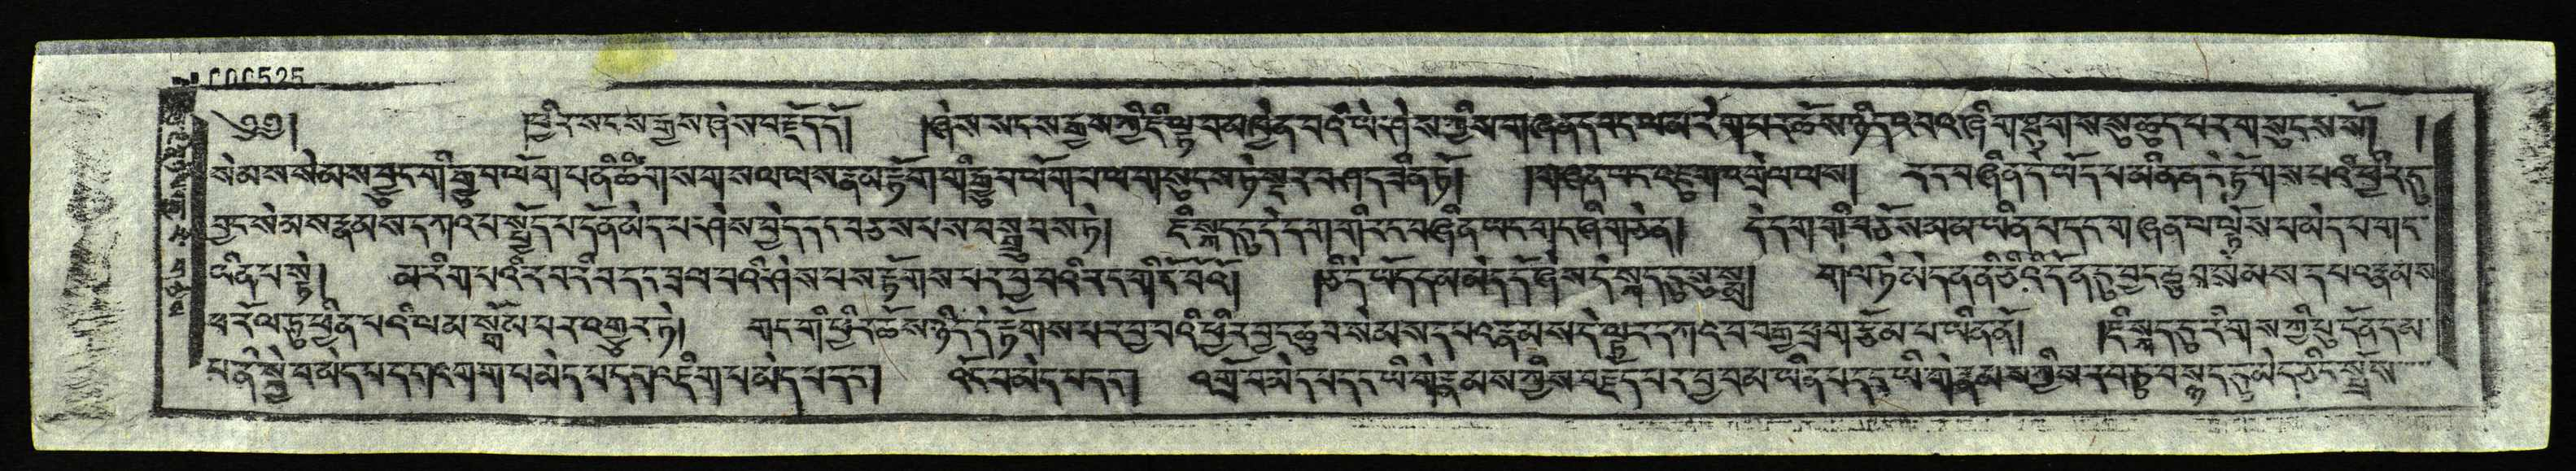༄༅། །ཕྱིར་སངས་རྒྱས་ཞེས་བརྗོད་དོ། །ཞེས་སངས་རྒྱས་ཀྱི་ཇི་ལྟ་བ་མཁྱེན་པའི་ཡེ་ཤེས་ཀྱིས་གཞན་དབང་ལམ་རོག་པར་ཆོས་ཉིད་འབའ་ཞིག་ཐུགས་སུ་ཆུད་པར་གསུངས་སོ། །
སེམས་སེམས་བྱུང་གི་རྒྱུ་བ་ལོག་པ་ནི་ཚིགས་གསལ་ལས་རྣམ་རྟོག་གི་རྒྱུ་བ་ལོག་པ་ལ་གསུངས་ཏེ་སྔར་བཤད་ཟིན་ཏོ། །གཞན་ཡང་འཇུག་འགྲེལ་ལས། རང་བཞིན་དེ་ཡོད་པ་མིན་ན་དེ་རྟོགས་པའི་ཕྱིར་དུ་
བྱང་སེམས་རྣམས་དཀའ་པ་སྤྱོད་པ་དོན་མེད་པར་ཤེས་བྱེད་དང་བཅས་པས་བསྒྲུབས་ཏེ། ཇི་སྐད་དུ་དེ་དག་གི་རང་བཞིན་ཡང་གང་ཞིག་ཅེ་ན། དེ་དག་གི་བཅོས་མ་མ་ཡིན་པ་དང་གཞན་ལ་ལྟོས་པ་མེད་པ་གང་
ཡིན་པ་སྟེ། མ་རིག་པའི་རབ་རིབ་དང་བྲལ་བའི་ཤེས་པས་རྟོགས་པར་བྱ་བའི་རང་གི་ངོ་བོའོ། །ཅི་དེ་ཡོད་དམ་མེད་དོ་ཞེས་དེ་སྐད་དུ་སུ་སྨྲ། གལ་ཏེ་མེད་ན་ནི་ཅིའི་དོན་དུ་བྱང་ཆུབ་སེམས་དཔའ་རྣམས་
ཕ་རོལ་ཏུ་ཕྱིན་པའི་ལམ་སྒོམ་པར་འགྱུར་ཏེ། གང་གི་ཕྱིར་ཆོས་ཉིད་དེ་རྟོགས་པར་བྱ་བའི་ཕྱིར་བྱང་ཆུབ་སེམས་དཔའ་རྣམས་དེ་ལྟར་དཀའ་བ་བརྒྱ་ཕྲག་རྩོམ་པ་ཡིན་ནོ། །ཇི་སྐད་དུ་རིགས་ཀྱི་པུ་དོན་དམ་
པ་ནི་སྐྱེ་བ་མེད་པ་དང་། འགག་པ་མེད་པ་དང་། འཇིག་པ་མེད་པ་དང་། འོང་བ་མེད་པ་དང་། འགྲོ་བ་མེད་པ་དང་ཡི་གེ་རྣམས་ཀྱིས་བརྗོད་པར་བྱ་བ་མ་ཡིན་པ་དང་ཡི་གེ་རྣམས་ཀྱིས་རབ་ཏུ་བསྙད་དུ་མེད་ཅིང་སྤྲོས་